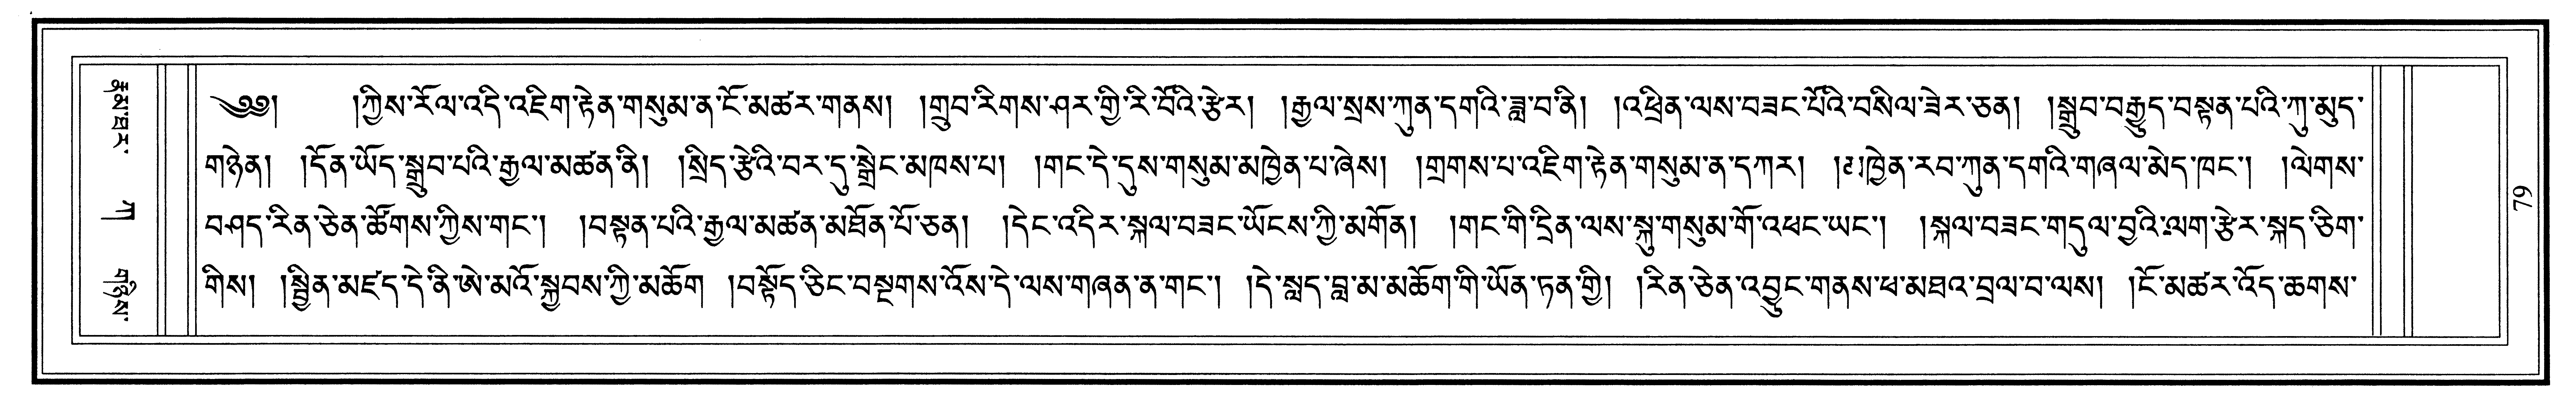༄༅། །ཀྱིས་རོལ་འདི་འཇིག་རྟེན་གསུམ་ན་ངོ་མཚར་གནས། །གྲུབ་རིགས་ཤར་གྱི་རི་བོའི་རྩེར། །རྒྱལ་སྲས་ཀུན་དགའི་ཟླ་བ་ནི། །འཕྲིན་ལས་བཟང་པོའི་བསིལ་ཟེར་ཅན། །སྒྲུབ་བརྒྱུད་བསྟན་པའི་ཀུ་མུད་
གཉེན། །དོན་ཡོད་སྒྲུབ་པའི་རྒྱལ་མཚན་ནི། །སྲིད་རྩེའི་བར་དུ་སྒྲེང་མཁས་པ། །གང་དེ་དུས་གསུམ་མཁྱེན་པ་ཞེས། །གྲགས་པ་འཇིག་རྟེན་གསུམ་ན་དཀར། །མཁྱེན་རབ་ཀུན་དགའི་གཞལ་མེད་ཁང་། །ལེགས་
བཤད་རིན་ཅེན་ཚོགས་ཀྱིས་གང་། །བསྟན་པའི་རྒྱལ་མཚན་མཐོན་པོ་ཅན། །དེང་འདིར་སྐལ་བཟང་ཡོངས་ཀྱི་མགོན། །གང་གི་དྲིན་ལས་སྐུ་གསུམ་གོ་འཕང་ཡང་། །སྐལ་བཟང་གདུལ་བྱའི་ལག་རྩེར་སྐད་ཅིག་
གིས། །སྦྱིན་མཛད་དེ་ནི་ཨེ་མའོ་སྐྱབས་ཀྱི་མཆོག །བསྟོད་ཅིང་བསྔགས་འོས་དེ་ལས་གཞན་ན་གང་། །དེ་སླད་བླ་མ་མཆོག་གི་ཡོན་ཏན་གྱི། །རིན་ཅེན་འབྱུང་གནས་ཕ་མཐའ་བྲལ་བ་ལས། །ངོ་མཚར་འོད་ཆགས་